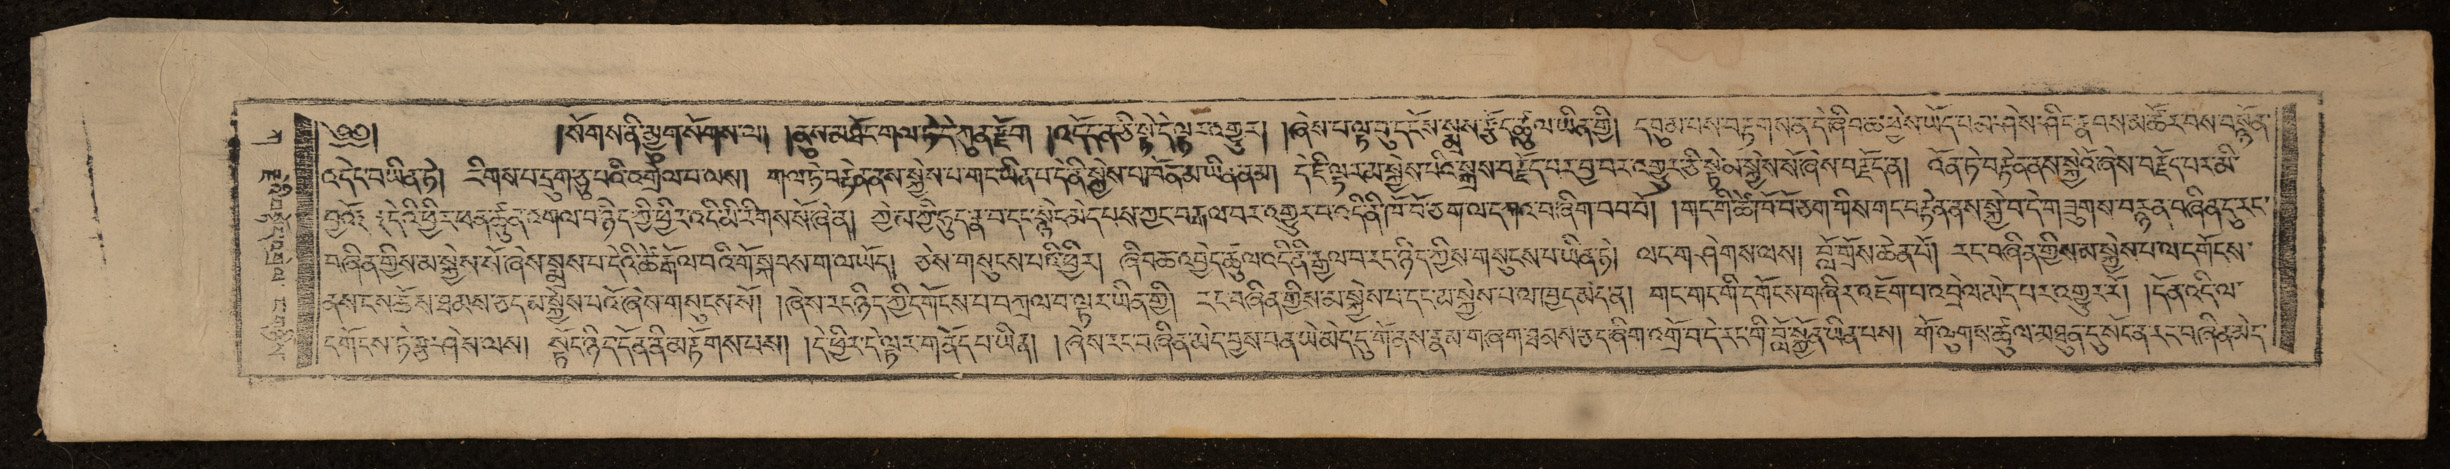༄༅། །སོགས་ནི་མྱུག་སོགས་ལ། །ནུས་མཐོང་གལ་ཏེ་དེ་ཀུན་རྫོབ། །འདོད་ན་ཅི་སྟེ་ད་ལྟར་འགྱུར། །ཞེས་པ་ལྟ་བུ་དངོས་སྨྲས་རྩོད་ཚུལ་ཡིན་གྱི། དབུ་མ་པས་བརྟགས་ན་དེ་ཞི་བ་ཆ་ཕྱེས་ཡོད་པ་མ་ཤེས་ཤིང་རྣ་བ་སྙིང་ཚོར་བས་བསྙོན་
འདོད་བ་ཡིན་ཏེ། རིགས་བ་དྲུག་ཅུ་པའི་འགྲེལ་པ་ལས། གལ་ཏེ་བརྟེན་ནས་སྐྱེས་བ་གང་ཡིན་པ་དེ་ནི་སྐྱེས་པ་ཁོ་ན་མ་ཡིན་ནམ། དེ་ཇི་ལྟར་མ་སྐྱེས་བའི་སྒྲས་བརྗོད་བར་བྱ་བར་འགྱུར་ཅི་སྟེ་མ་སྐྱེས་སོ་ཞེས་བརྗོད་ན། འོན་ཏེ་བརྟེན་ནས་སྐྱེའོ་ཞེས་བརྗོད་བར་མི་
བྱའོ༑ ༑དེའི་ཕྱིར་ཕན་ཚུན་འགལ་བ་ཉིད་ཀྱི་ཕྱིར་འདི་མི་རིགས་སོ་ཞེ་ན། ཀྱེ་མ་ཀྱེ་ཧུ་ད་རྣ་བ་དང་སྙིང་མེད་བས་ཀྱང་བརྒལ་བར་འགྱུར་བ་འདི་ནི་ཁོ་བོ་ཅག་ལ་དཀའ་བ་ཞིག་བབ་བོ། །གང་གི་ཚེ་ཁོ་བོ་ཅག་གིས་གང་བརྟེན་ནས་སྐྱེ་བ་དེ་གཟུགས་བརྙན་བཞིན་དུ་རང་
བཞིན་གྱིས་མ་སྐྱེས་སོ་ཞེས་སྨྲས་བ་དེའི་ཚེ་རྒོལ་བའི་གོ་སྐབས་ག་ལ་ཡོད། ཅེས་གསུངས་བའི་ཕྱིར། ཞིབ་ཆ་འབྱེད་ཚུལ་འདི་ནི་རྒྱལ་བ་རང་ཉིད་ཀྱིས་གསུངས་བ་ཡིན་ཏེ། ལང་གཤེགས་ལས། བློ་གྲོས་ཆེན་པོ། རང་བཞིན་གྱིས་མ་སྐྱེས་བ་ལ་དགོངས་
ནས་ངས་ཆོས་ཐམས་ཅད་མ་སྐྱེས་པའོ་ཞེས་གསུངས་སོ། །ཞེས་རང་ཉིད་ཀྱི་དགོངས་པ་བཀྲལ་བ་ལྟར་ཡིན་གྱི། རང་བཞིན་གྱིས་མ་སྐྱེས་བ་དང་མ་སྐྱེས་བ་ལ་ཁྱད་མེད་ན། གང་གང་གི་དགོངས་གཞིར་འཇོག་པ་འབྲེལ་མེད་པར་འགྱུར་རོ། །དེ་ན་འདི་ལ་
དགོངས་ཏེ་རྩ་ཤེས་ལས། སྟོང་ཉིད་དོན་ནི་མ་རྟོགས་པས། །དེ་ཕྱིར་དེ་ལྟར་གནོད་པ་ཡིན། །ཞེས་རང་བཞིན་མེད་བྱས་པ་ན་ཡེ་མེད་དུ་གོ་ནས་རྣམ་གཞག་ཐམས་ཅད་ཞིག་འགྲོ་བ་དེ་རང་གི་བློ་སྐྱོན་ཡིན་བས། གོ་ལུགས་ཚུལ་མཐུན་དུ་ཡོད་ན་རང་བཞིན་མེད་